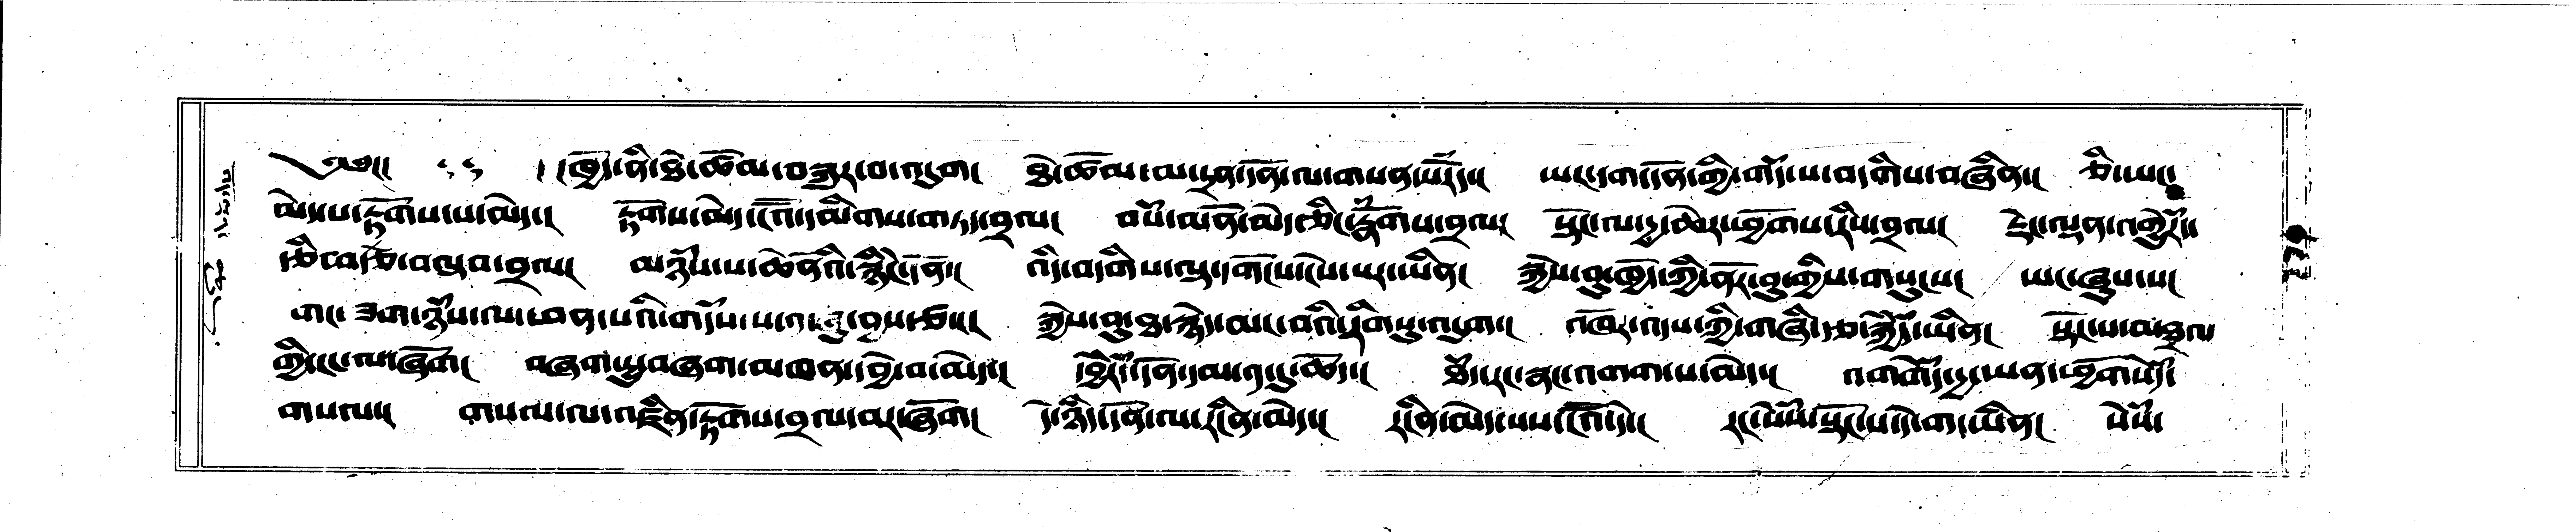ཁྱོད་ནི་ཐེ་ཚོམ་བསྐུལ་བ་འདུག ཐེ་ཚོམ་མ་དྲན་དོན་ལ་གསན་པར་མཛོད། ཡང་དག་དོན་གྱི་གདམས་པ་བདག་གིས་བཞིན། ཅི་ཡང་
མེད་པ་རྟོག་པ་མེད། །རྟོག་མེད་ངོའོ་དམིགས་གཏད་བྲལ། །བསམ་མནོ་མེད་ཅིང་རྣམ་རྟོག་བྲལ། །སྟོང་ལ་རྒྱ་ཆེར་ཕྱོགས་རིས་བྲལ། །རྡེང་ལྡན་འགྱུར་མེད་
རྩིས་གདབས་བྲལ། །མཉམ་པ་ཆེན་པོ་སྙིང་རྗེའི་དོན། །འདི་བདག་གི་ལྟ་དགོངས་ངེས་པར་ཡིན། །སྐྱེས་བུ་ཁྱོད་ཀྱི་ནོར་བུ་གྱིས་གསུངས། །ཡང་ཞུས་པ། 
གང་ཟག་ཉམས་ལ་ཕན་པའི་གདམས་པ་ཅིག་ཞུ་བྱས་ཙ། སྐྱེས་བུ་ཐ་སྙད་མང་བའི་རིགས་སུ་འདུག འཁོར་འདས་ཀྱི་གཞི་རྩ་སྐྱེ་མེད་ཡིན། སྟོང་པ་མཐའ་བྲལ་
གྱི་ངང་ལ་ཞོག བཞག་རྒྱུ་བཞག་མཁན་དབྱེ་བ་མེད། དབྱེར་མེད་དོན་དམ་གཅིག་ཏུ་ཆོད། ཐམས་ཅད་རང་སྣང་འགག་པ་མེད། འགག་མེད་རྒྱ་ཡན་ཕྱོགས་མེད་
གསལ། གསལ་ལ་འཛིན་རྟོག་བྲལ་བར་ཞོག དེ་ཉིད་དོན་ལ་རང་བཞིན་མེད། རང་བཞིན་མེད་པའི་ངོའོ་དེ། རང་སེམས་སྟོང་པ་དེ་ག་ཡིན། སེམས་